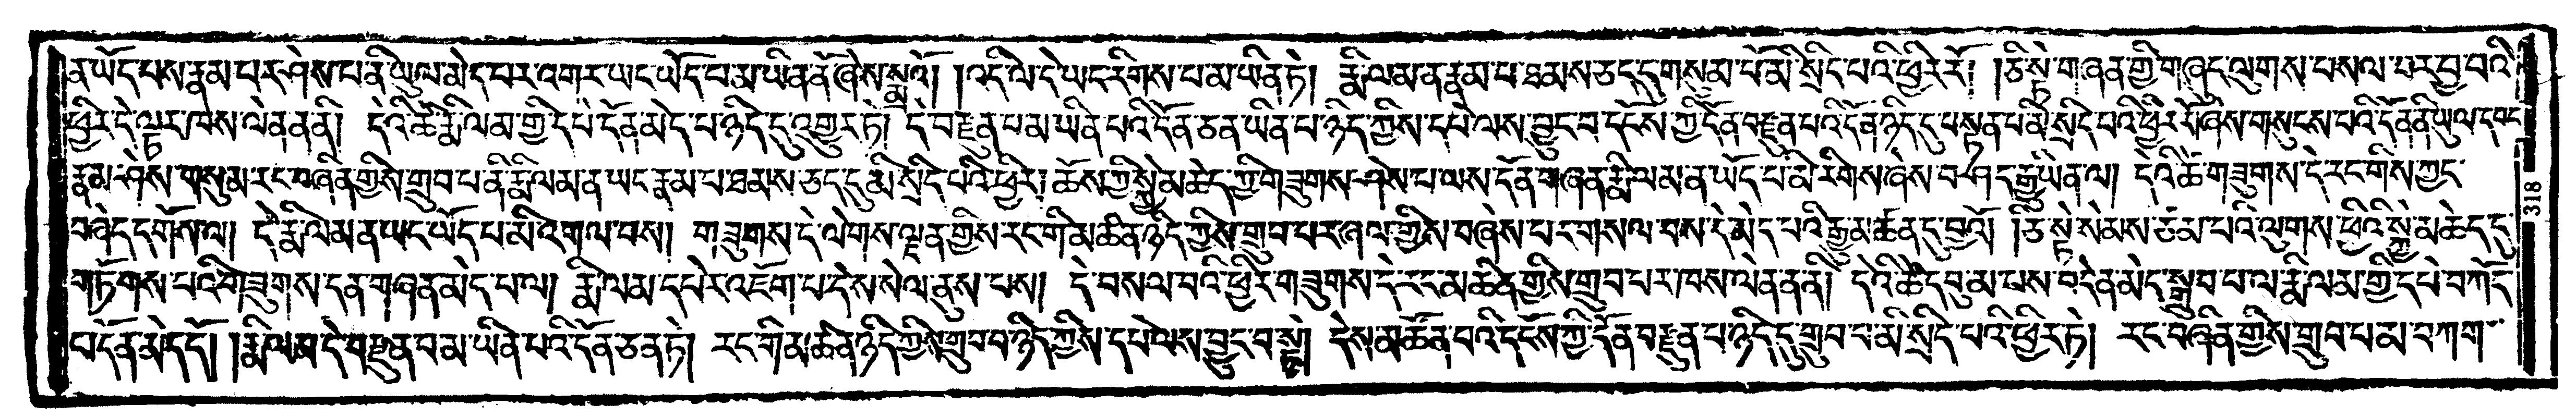ན་ཡོད་པས་རྣམ་པར་ཤེས་པ་ནི་ཡུལ་མེད་པར་འགར་ཡང་ཡོད་པ་མ་ཡིན་ནོ་ཞེས་སྨྲའོ། །འདི་ལ་དེ་ཡང་རིགས་པ་མ་ཡིན་ཏེ། རྨི་ལམ་ན་རྣམ་པ་ཐམས་ཅད་དུ་གསུམ་པོ་མི་སྲིད་པའི་ཕྱིར་རོ། །ཅི་སྟེ་གཞན་གྱི་གཞུང་ལུགས་བསལ་བར་བྱ་བའི་
ཕྱིར་དེ་ལྟར་ཁས་ལེན་ན་ནི། དེའི་ཚེ་རྨི་ལམ་གྱི་དཔེ་དོན་མེད་པ་ཉིད་དུ་འགྱུར་ཏེ། དེ་བརྫུན་པ་མ་ཡིན་པའི་དོན་ཅན་ཡིན་པ་ཉིད་ཀྱིས་དཔེ་ལས་བྱུང་བ་དངོས་ཀྱི་དོན་བརྫུན་པའི་དོན་ཉིད་དུ་བསྟན་པ་མི་སྲིད་པའི་ཕྱིར་རོ། ཞེས་གསུངས་པའི་དོན་ནི་ཡུལ་དབང་
རྣམ་ཤེས་གསུམ་རང་བཞིན་གྱིས་གྲུབ་པ་ནི་རྨི་ལམ་ན་ཡང་རྣམ་པ་ཐམས་ཅད་དུ་མི་སྲིད་པའི་ཕྱིར། ཆོས་ཀྱི་སྐྱེ་མཆེད་ཀྱི་གཟུགས་ཤེས་པ་ལས་དོན་གཞན་རྨི་ལམ་ན་ཡོད་པ་མི་རིགས་ཞེས་བཤད་རྒྱུ་ཡིན་ལ། དེའི་ཚེ་གཟུགས་དེ་རང་གིས་ཀྱང་
བཞེད་དགོས་ལ། དེ་རྨི་ལམ་ན་ཡང་ཡོད་པ་མི་འགལ་བས། གཟུགས་དེ་ལེགས་ལྡན་གྱིས་རང་གི་མཚན་ཉིད་ཀྱིས་གྲུབ་པར་ཞལ་གྱིས་བཞེས་བར་གསལ་བས་དེ་མེད་པའི་རྒྱུ་མཚན་དུ་བྱའོ། །ཅི་སྟེ་སེམས་ཙམ་པའི་ལུགས་ཕྱིའི་སྐྱེ་མཆེད་དུ་
གཏོགས་པའི་གཟུགས་དོན་གཞན་མེད་པ་ལ། རྨི་ལམ་དཔེར་འཇོག་པ་དེས་སེལ་ནུས་པས། དེ་བསལ་བའི་ཕྱིར་གཟུགས་དེ་རང་མཚན་གྱིས་གྲུབ་པར་ཁས་ལེན་ན་ནི། དེའི་ཚེ་དབུ་མ་པས་བདེན་མེད་སྒྲུབ་པ་ལ་རྨི་ལམ་གྱི་དཔེ་བཀོད་
པ་དོན་མེད་དོ། །རྨི་ལམ་དེ་བརྫུན་པ་མ་ཡིན་པའི་དོན་ཅན་ཏེ། རང་གི་མཚན་ཉིད་ཀྱིས་གྲུབ་པ་ཉིད་ཀྱིས་དཔེ་ལས་བྱུང་བ་སྟེ། དེས་མཚོན་པའི་དངོས་ཀྱི་དོན་བརྫུན་པ་ཉིད་དུ་གྲུབ་པ་མི་སྲིད་པའི་ཕྱིར་ཏེ། རང་བཞིན་གྱིས་གྲུབ་པ་མ་བཀག་